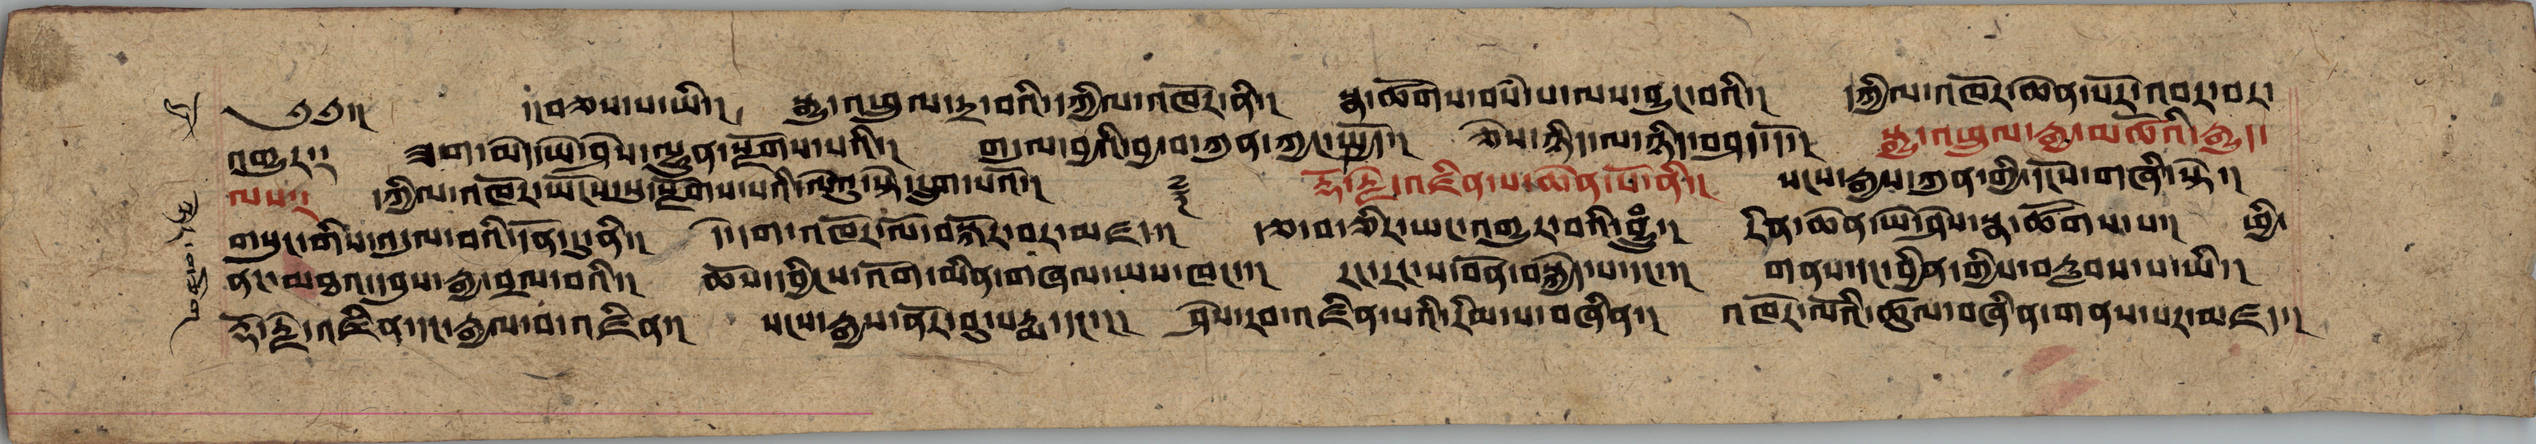༄༅་། ་།བཅས་པ་ཡི་། སྒྱུ་འཕྲུལ་དྲ་བའི་དཀྱིལ་འཁོར་ནི་། སྣ་ཚོགས་བསཾ་པ་ལས་བྱུང་བའི་། དཀྱིལ་འཁོར་ཆེན་པོར་འབར་བར་
འགྱུར༑ ཟག་མེད་ཡེ་ཤེས་ལྷུན་སྫོགས་པའི་། གདུལ་བྱའི་བྱ་བ་ཀུན་ཀྱང་སྤྱོད་། ཅེས་ཉིད་ལ་ཉིད་བཤད་དོ་། སྒྱུ་འཕྲུལ་རྒྱ་མཚོའི་རྒྱུད་
ལས༑ དཀྱིལ་འཁོར་ཡོངས་སུ་སྫོགས་པའི་ལེའུ་སྟེ་དྲུག་པའོ་། ࿑ རྡོ་རྗེ་འཛིན་པ་ཆེན་པོ་ནི་། སངས་རྒྱས་ཀུན་གྱི་དངོས་གཞི་སྟེ་།
གསུང་གིས་འདུལ་བའི་དོན་དུ་ནི་། དེ་དག་འཁོར་ལོ་བསྐོར་བར་མཛད་། རྩ་བ་ཅིར་ཡང་འགྱུར་བའི་བྷྲུཾ་། རིན་ཆེན་ཡེ་ཤེས་སྣ་ཚོགས་པ་། ཕྱི་
ནང་མཐའ་དབུས་རྒྱ་བྲལ་བའི་། ཆོས་དབྱིངས་འོག་མིན་གཞལ་ཡས་ཁང་་། རང་རང་ས་བོན་བསྐྱེད་པ་དང་་། གནས་དང་བྱིན་གྱིས་བརླབས་པ་ཡི་།
རྡི་རྗེ་འཛིན་དང་རྒྱལ་བ་འཛིན་། སངས་རྒྱས་ནོར་བུ་པདྨ་དང་།།། ཤེས་རབ་འཛིན་པའི་རིམ་པ་བཞིན་། འཁོར་ལོའི་ཚུལ་བཞིན་གནས་པར་མཛད་།